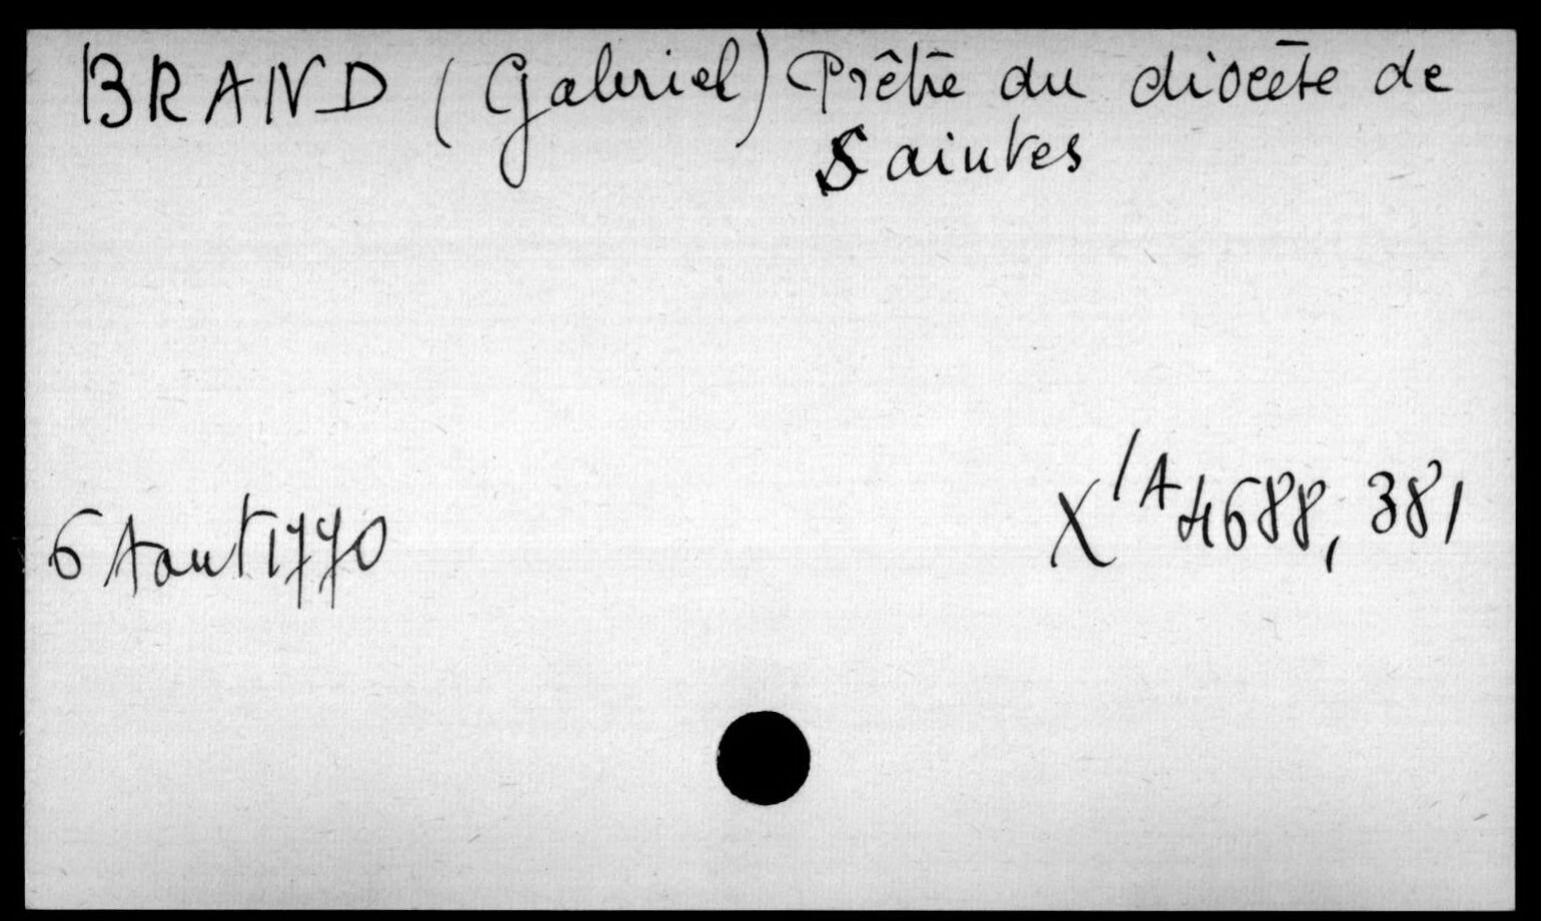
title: BRAND (Gabriel) Prêtre du diocèse de Saintes
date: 6 août 1770
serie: X1A
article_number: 4688
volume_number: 381
